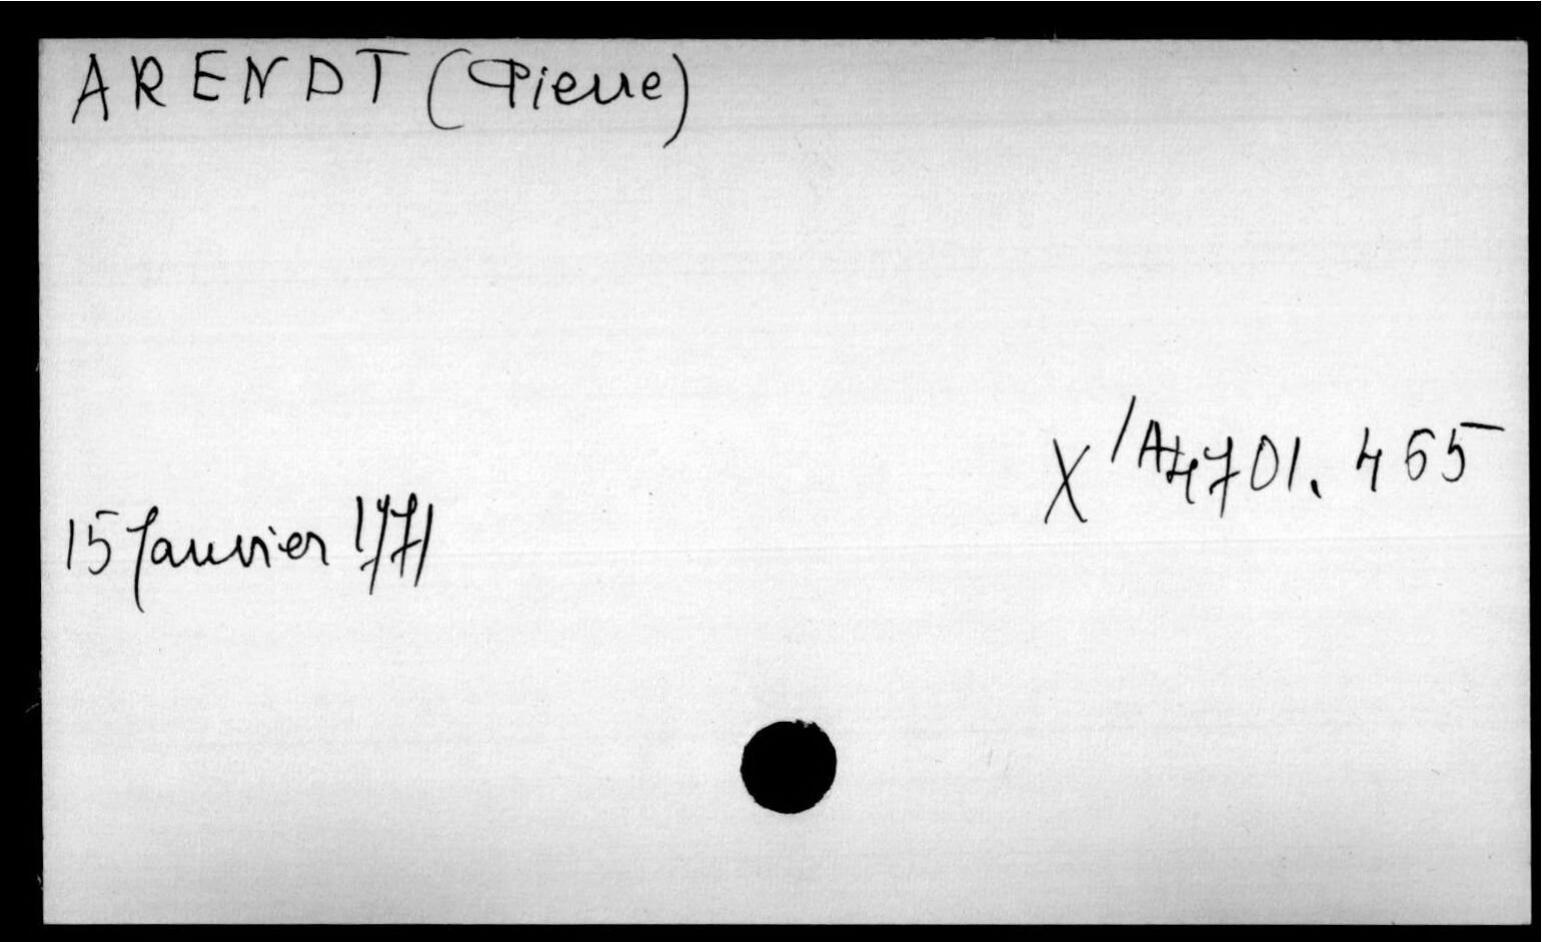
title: ARENDT (Pierre)
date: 15 janvier 1771
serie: X1A
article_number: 4701
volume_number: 465
